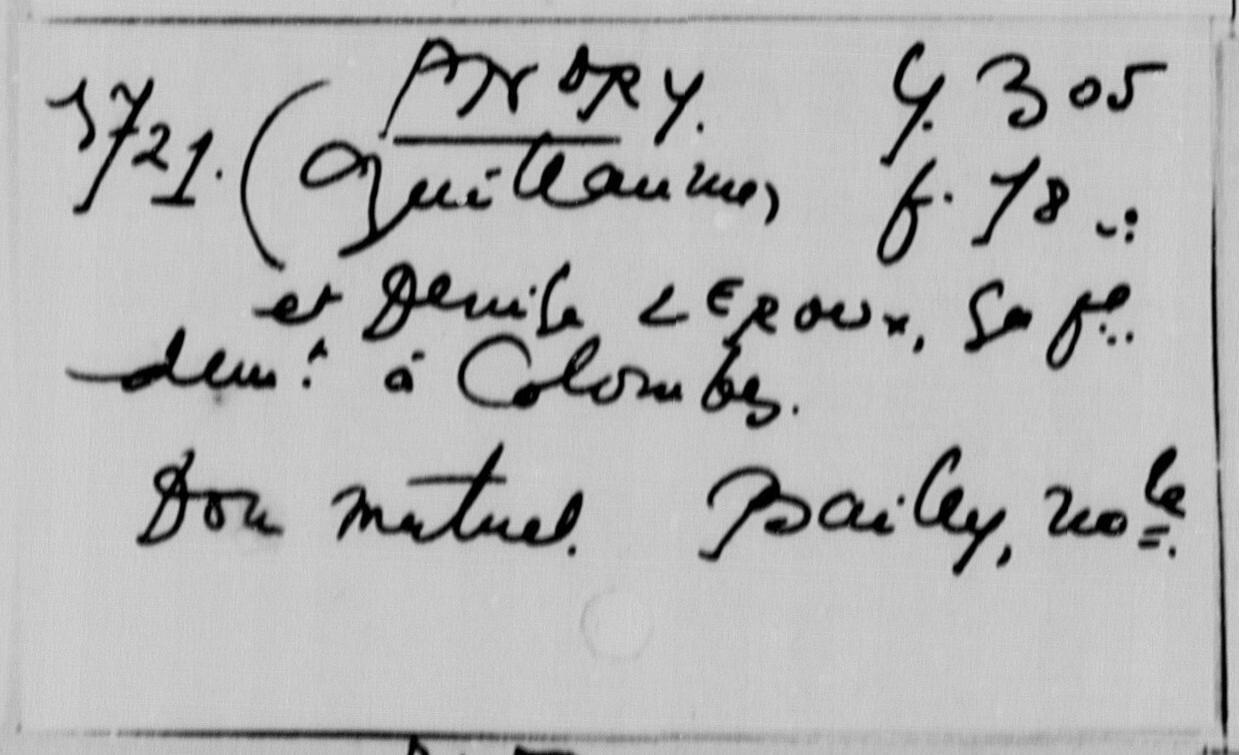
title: ANDRY (Guillaume)
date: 1721
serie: Y
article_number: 305
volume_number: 18v
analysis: Et Denise LEROUX, sa femme, demeurant à Colombes. Don mutuel. Bailey, notaire.
